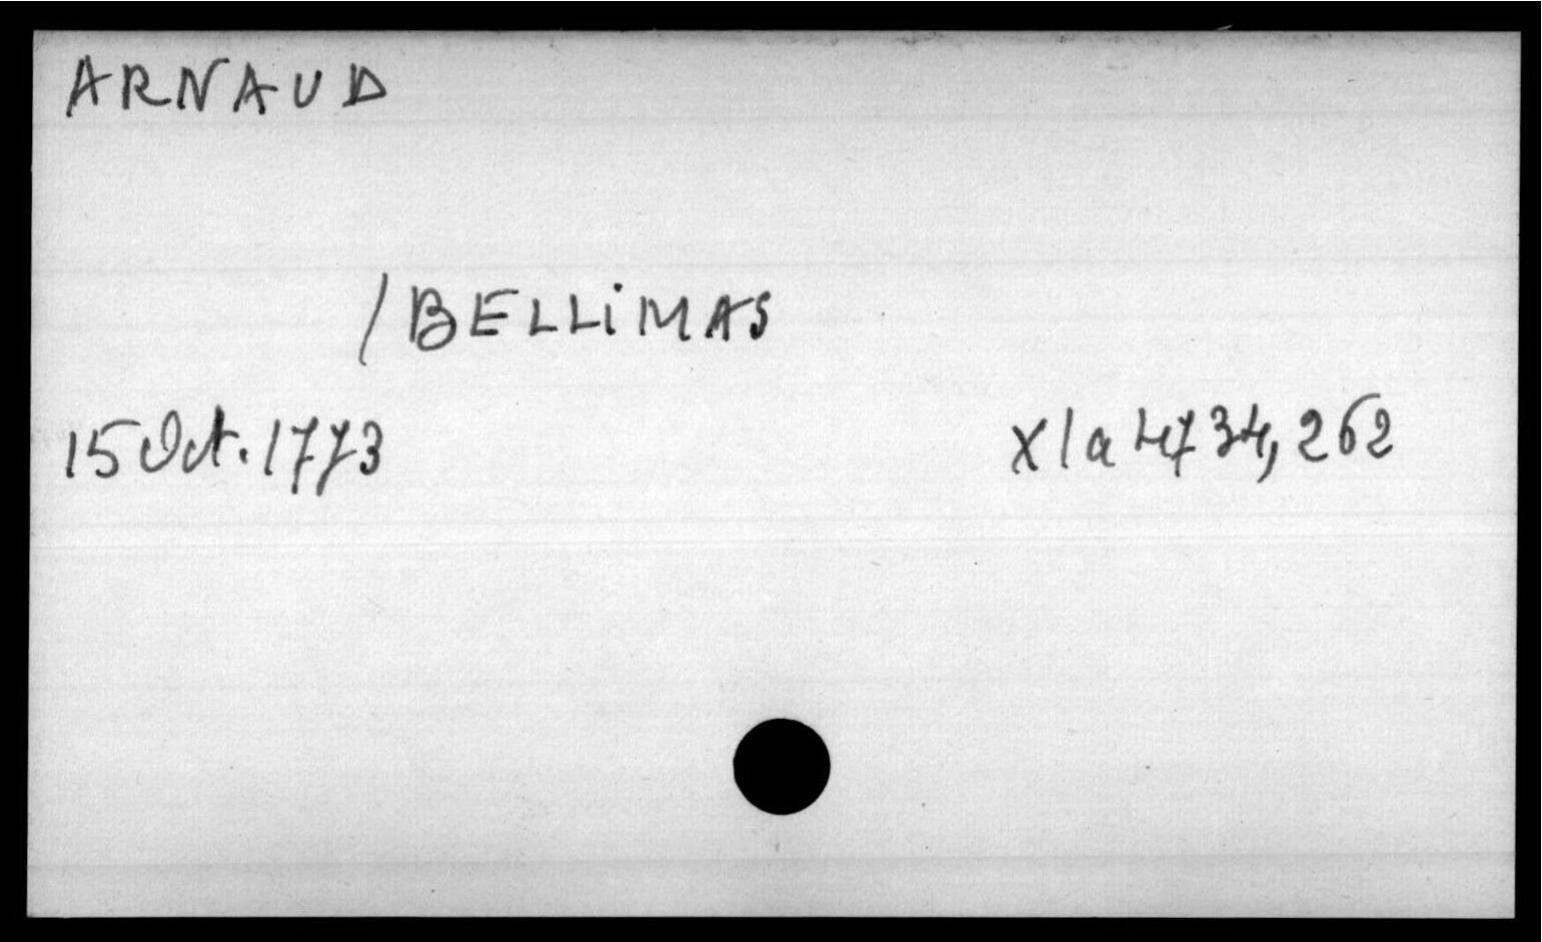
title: ARNAUD
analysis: Contre BELLIMAS
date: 15 octobre 1773
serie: X1a
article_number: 4734
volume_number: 262
